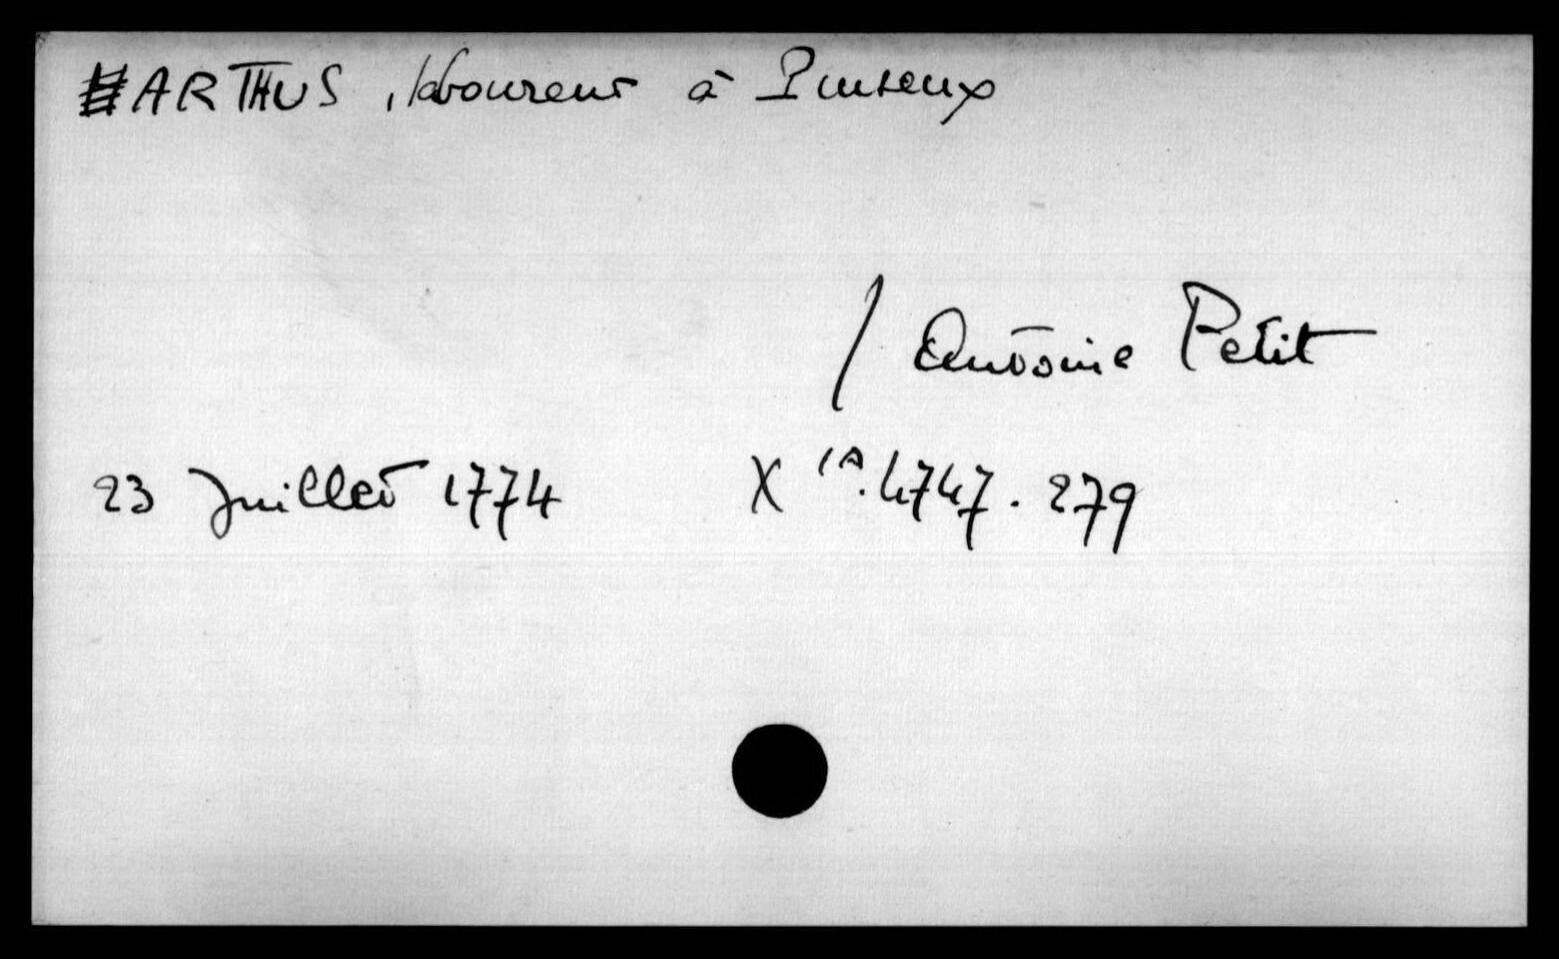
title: ARTHUS, laboureur à Puseux
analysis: Contre Antoine Petit
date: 23 juillet 1774
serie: X1A
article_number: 4747
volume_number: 279
